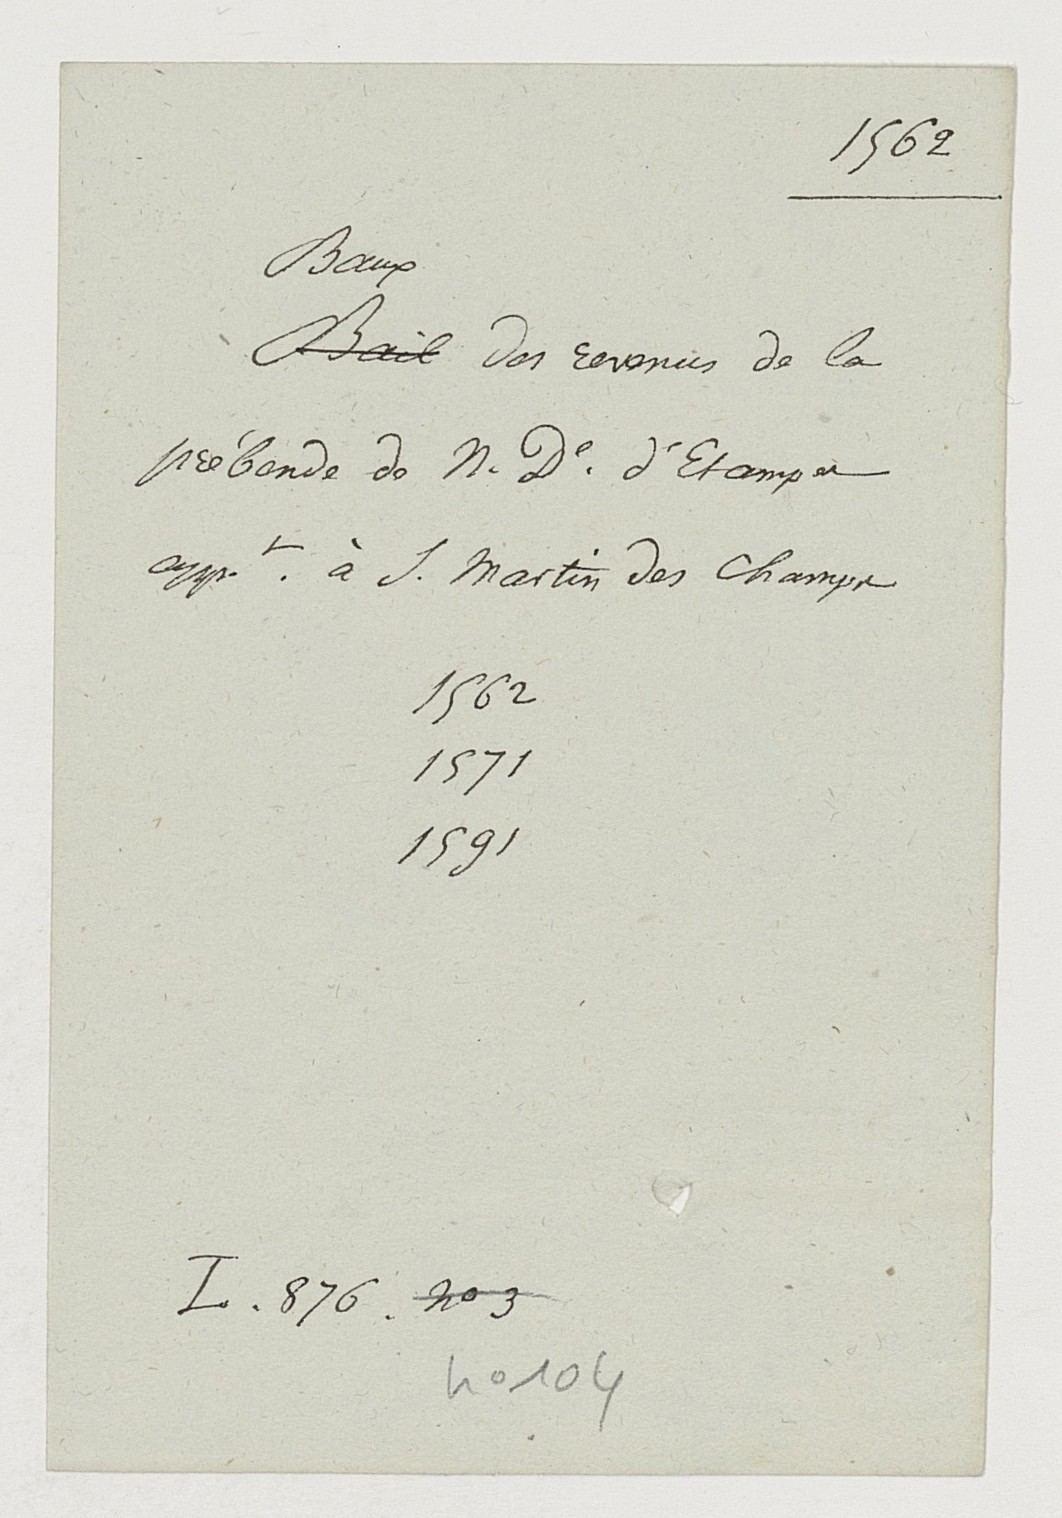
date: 1562
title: Baux des revenus de la prébende de Notre-Dame d'Etampes appartenant à Saint-Martin des Champs
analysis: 1562 1571 1591
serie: L
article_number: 876
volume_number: n° 104
